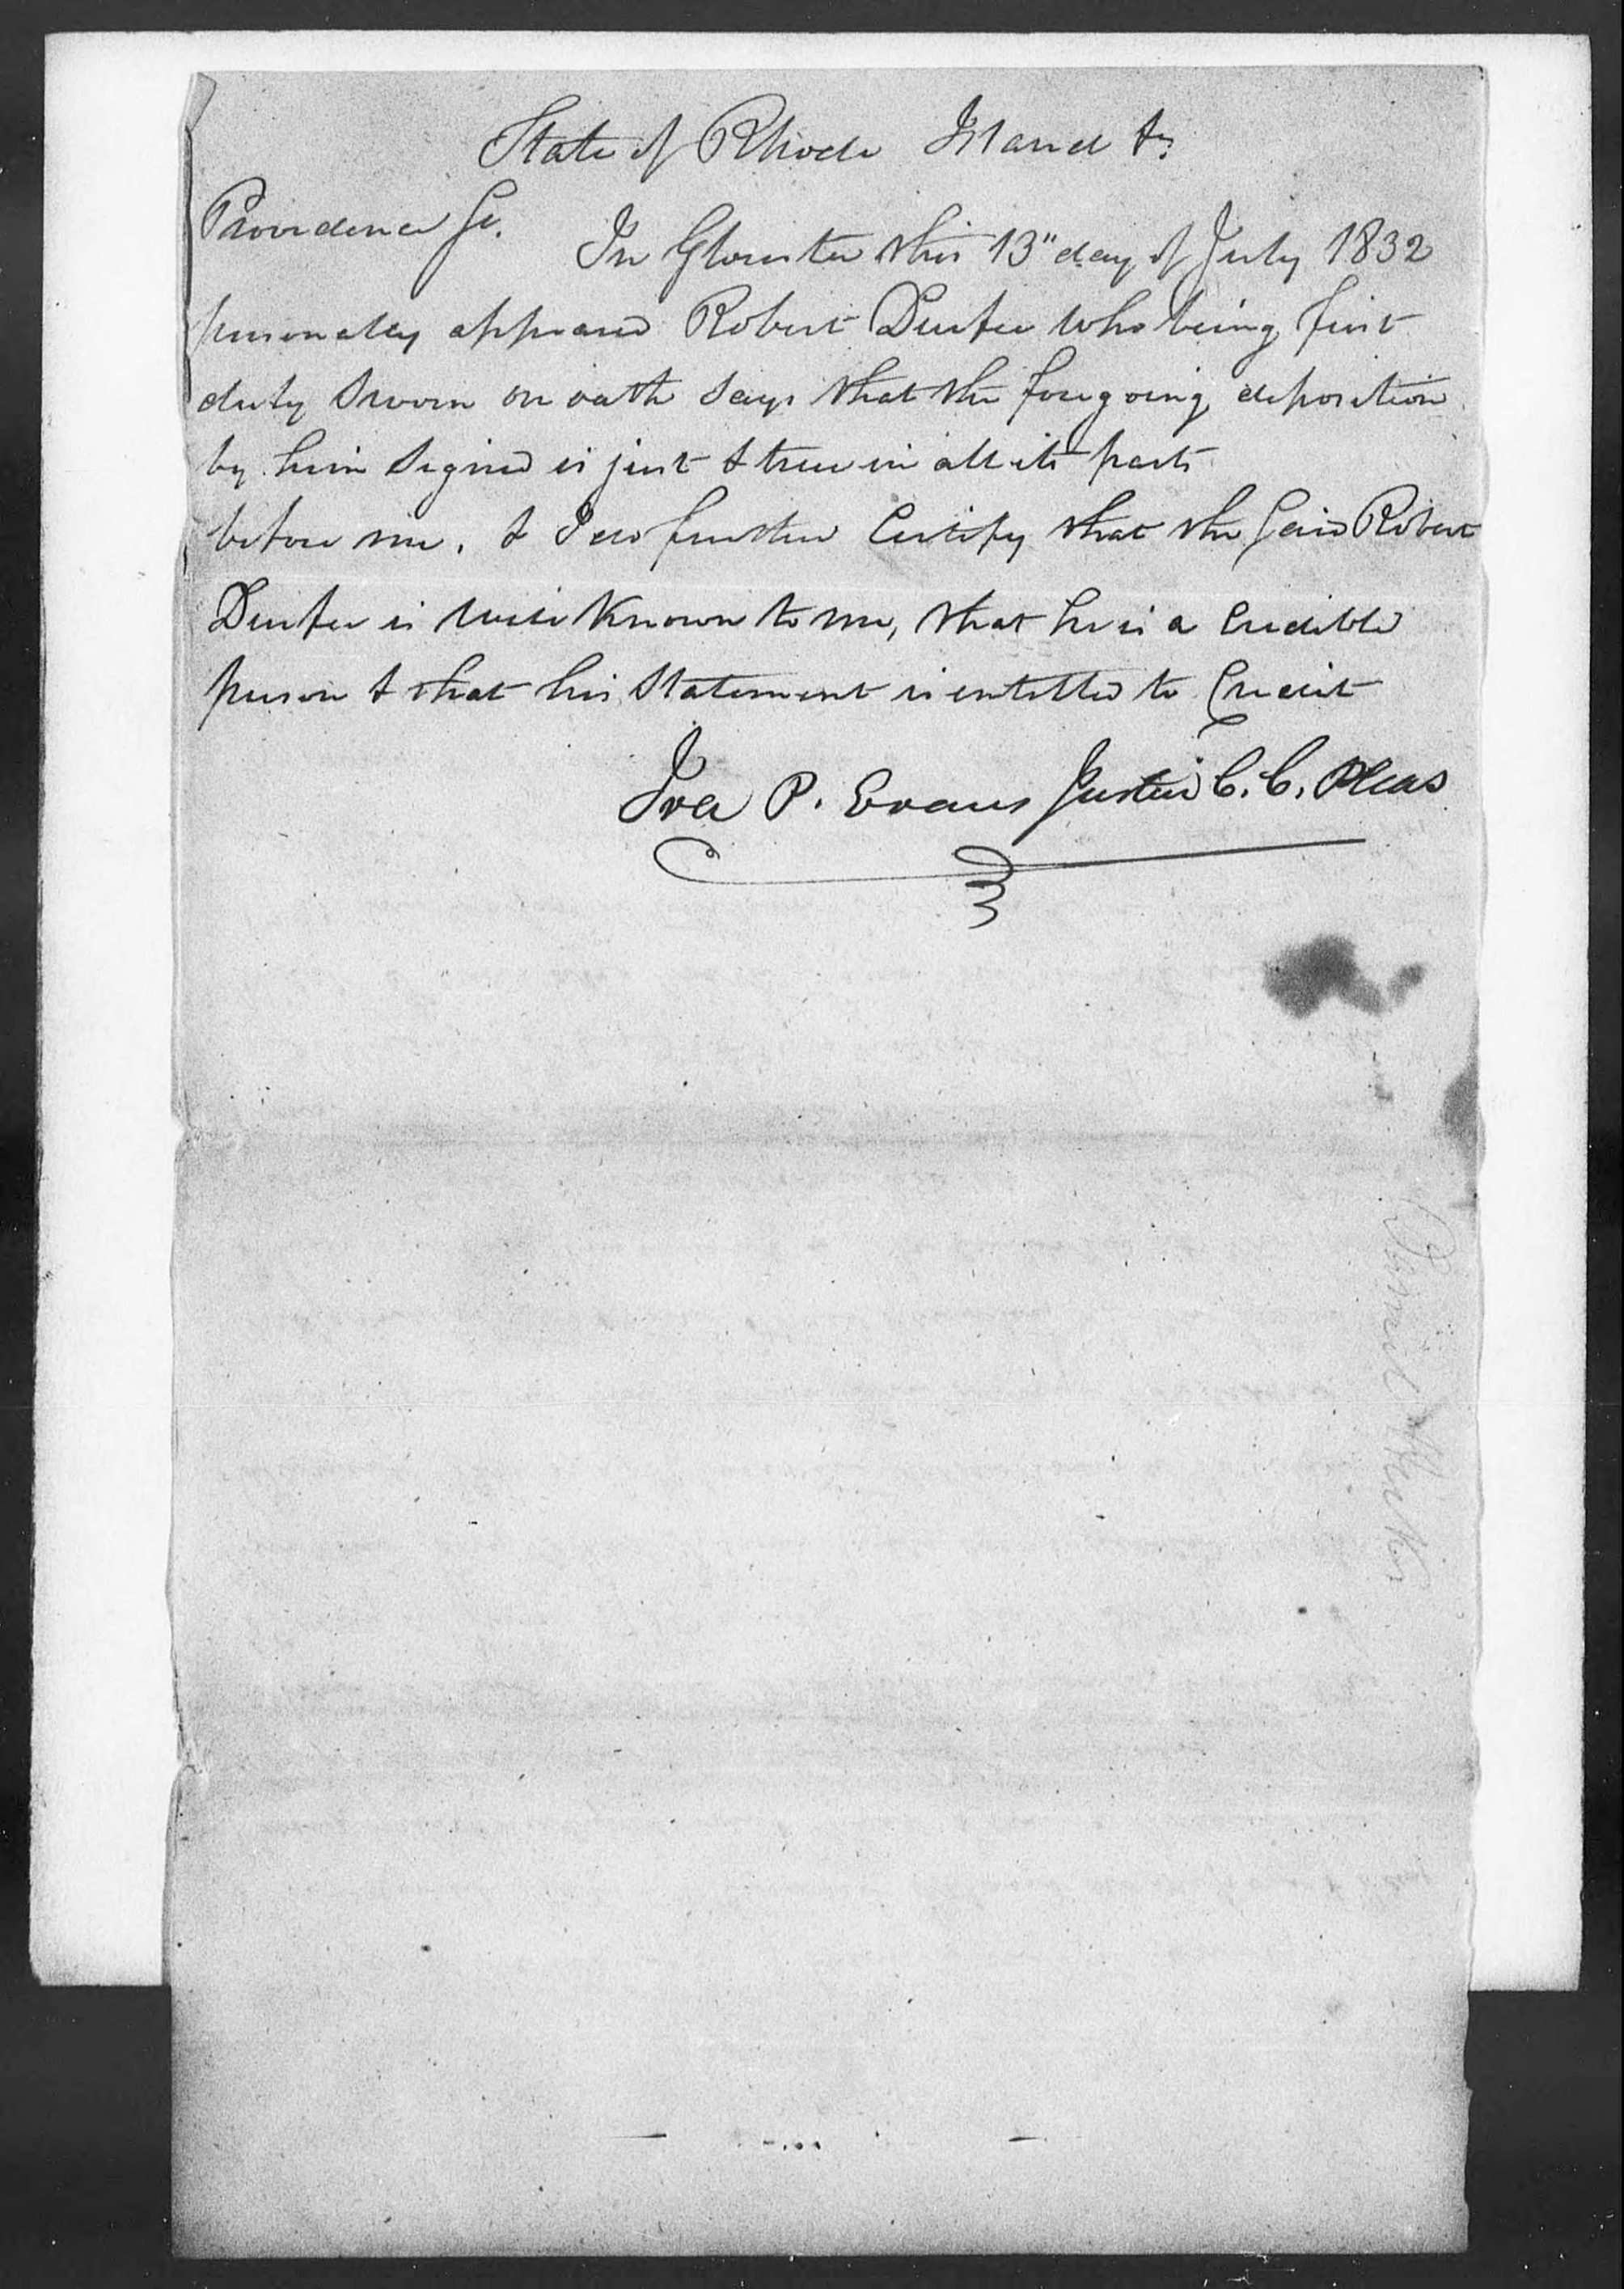State of Rhode Island &
Providence Ss.
In Glouster this 13" day of July 1832
personally appeared Robert Durfee who being first
duly sworn on oath says that the foregoing deposition
by him signed is just & true in all its parts
below me. I do further certify that the said Robert
Dunfer is well known to me, that he is a credible
person & that his statement is entitled to Credit
Ira P. Evans Justice C.C. Pleas  (Justice of Common Court of Pleas)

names: Robert Durfee, Ira P Evans, Robert Durfee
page: 10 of 17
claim: survivor's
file: S. 21285, Daniel Hicks, R.I.